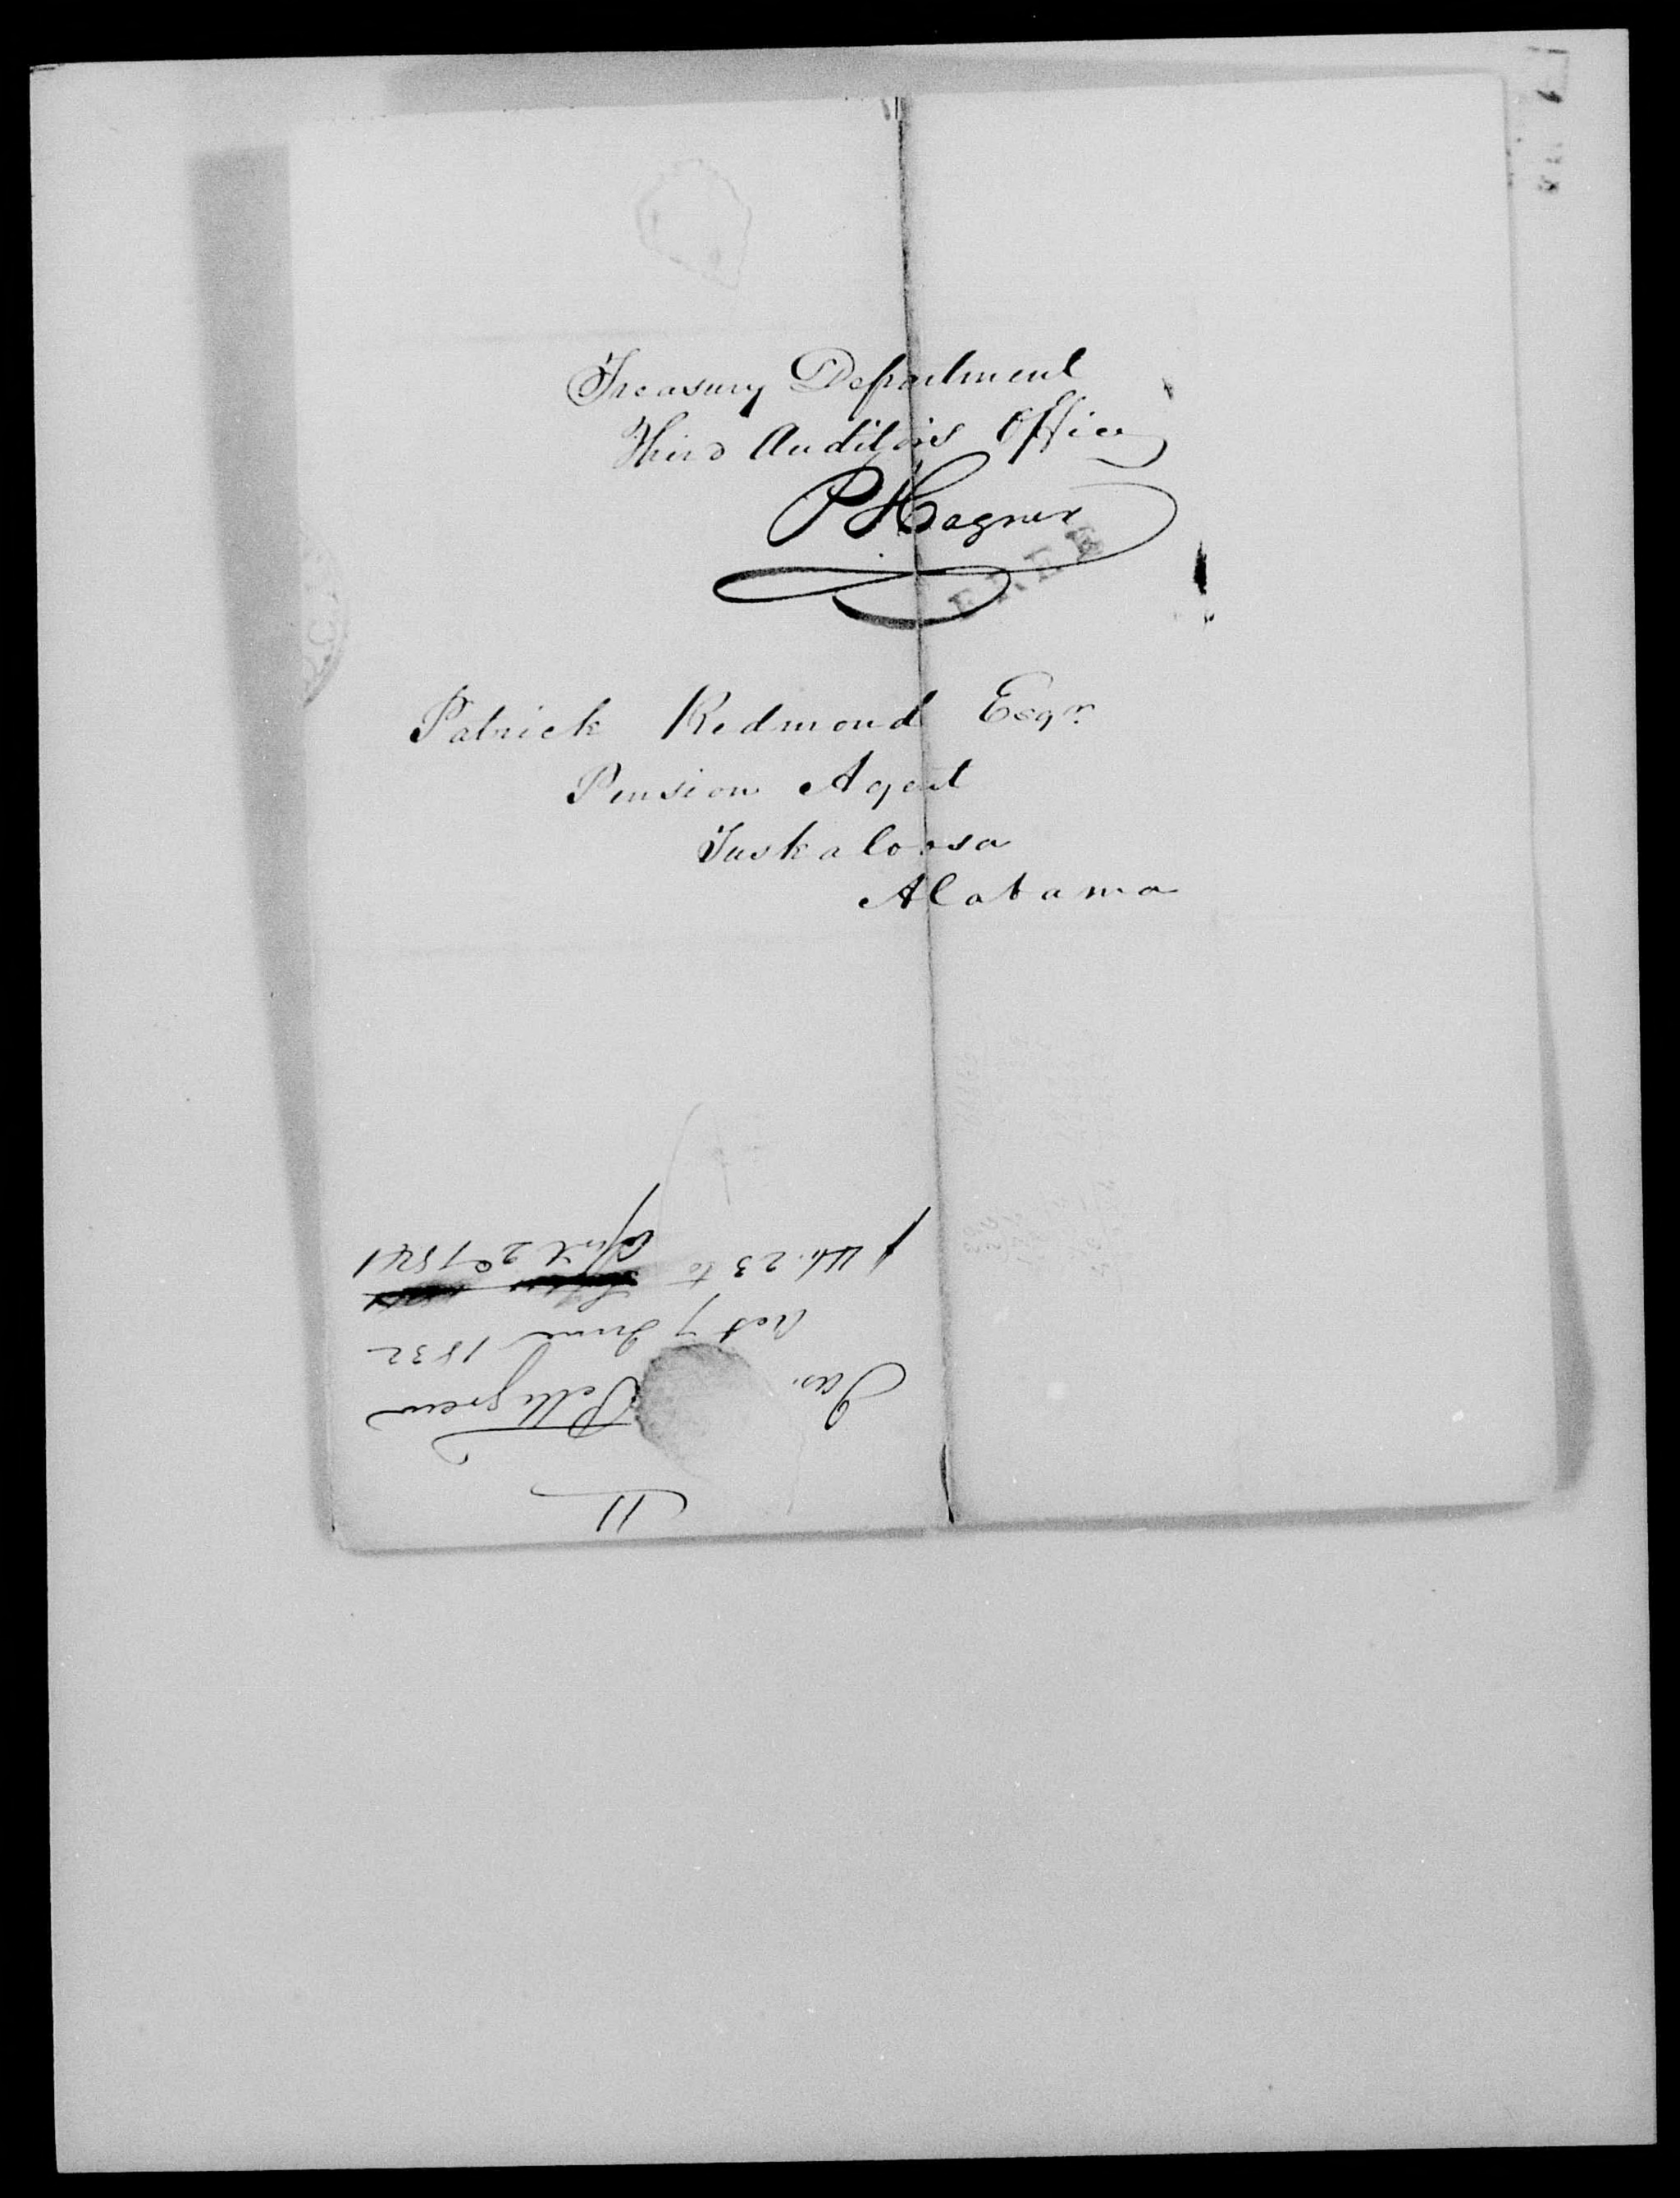Treasury Department
Head Auditors Office
P Hagrid 

Patrick Redmond Esqr.
Pension Agent
Tuscaloosa
Alabama

11
Ja. Pettigrew
Act 7 June 1832
W. 23 to [illegible crossed off text]^Apr 20 1841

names: James Pettigrew; Patrick Redmond; P Hagner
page: 13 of 92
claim: widow's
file: W. 5522, for James Pettigrew, South Carolina